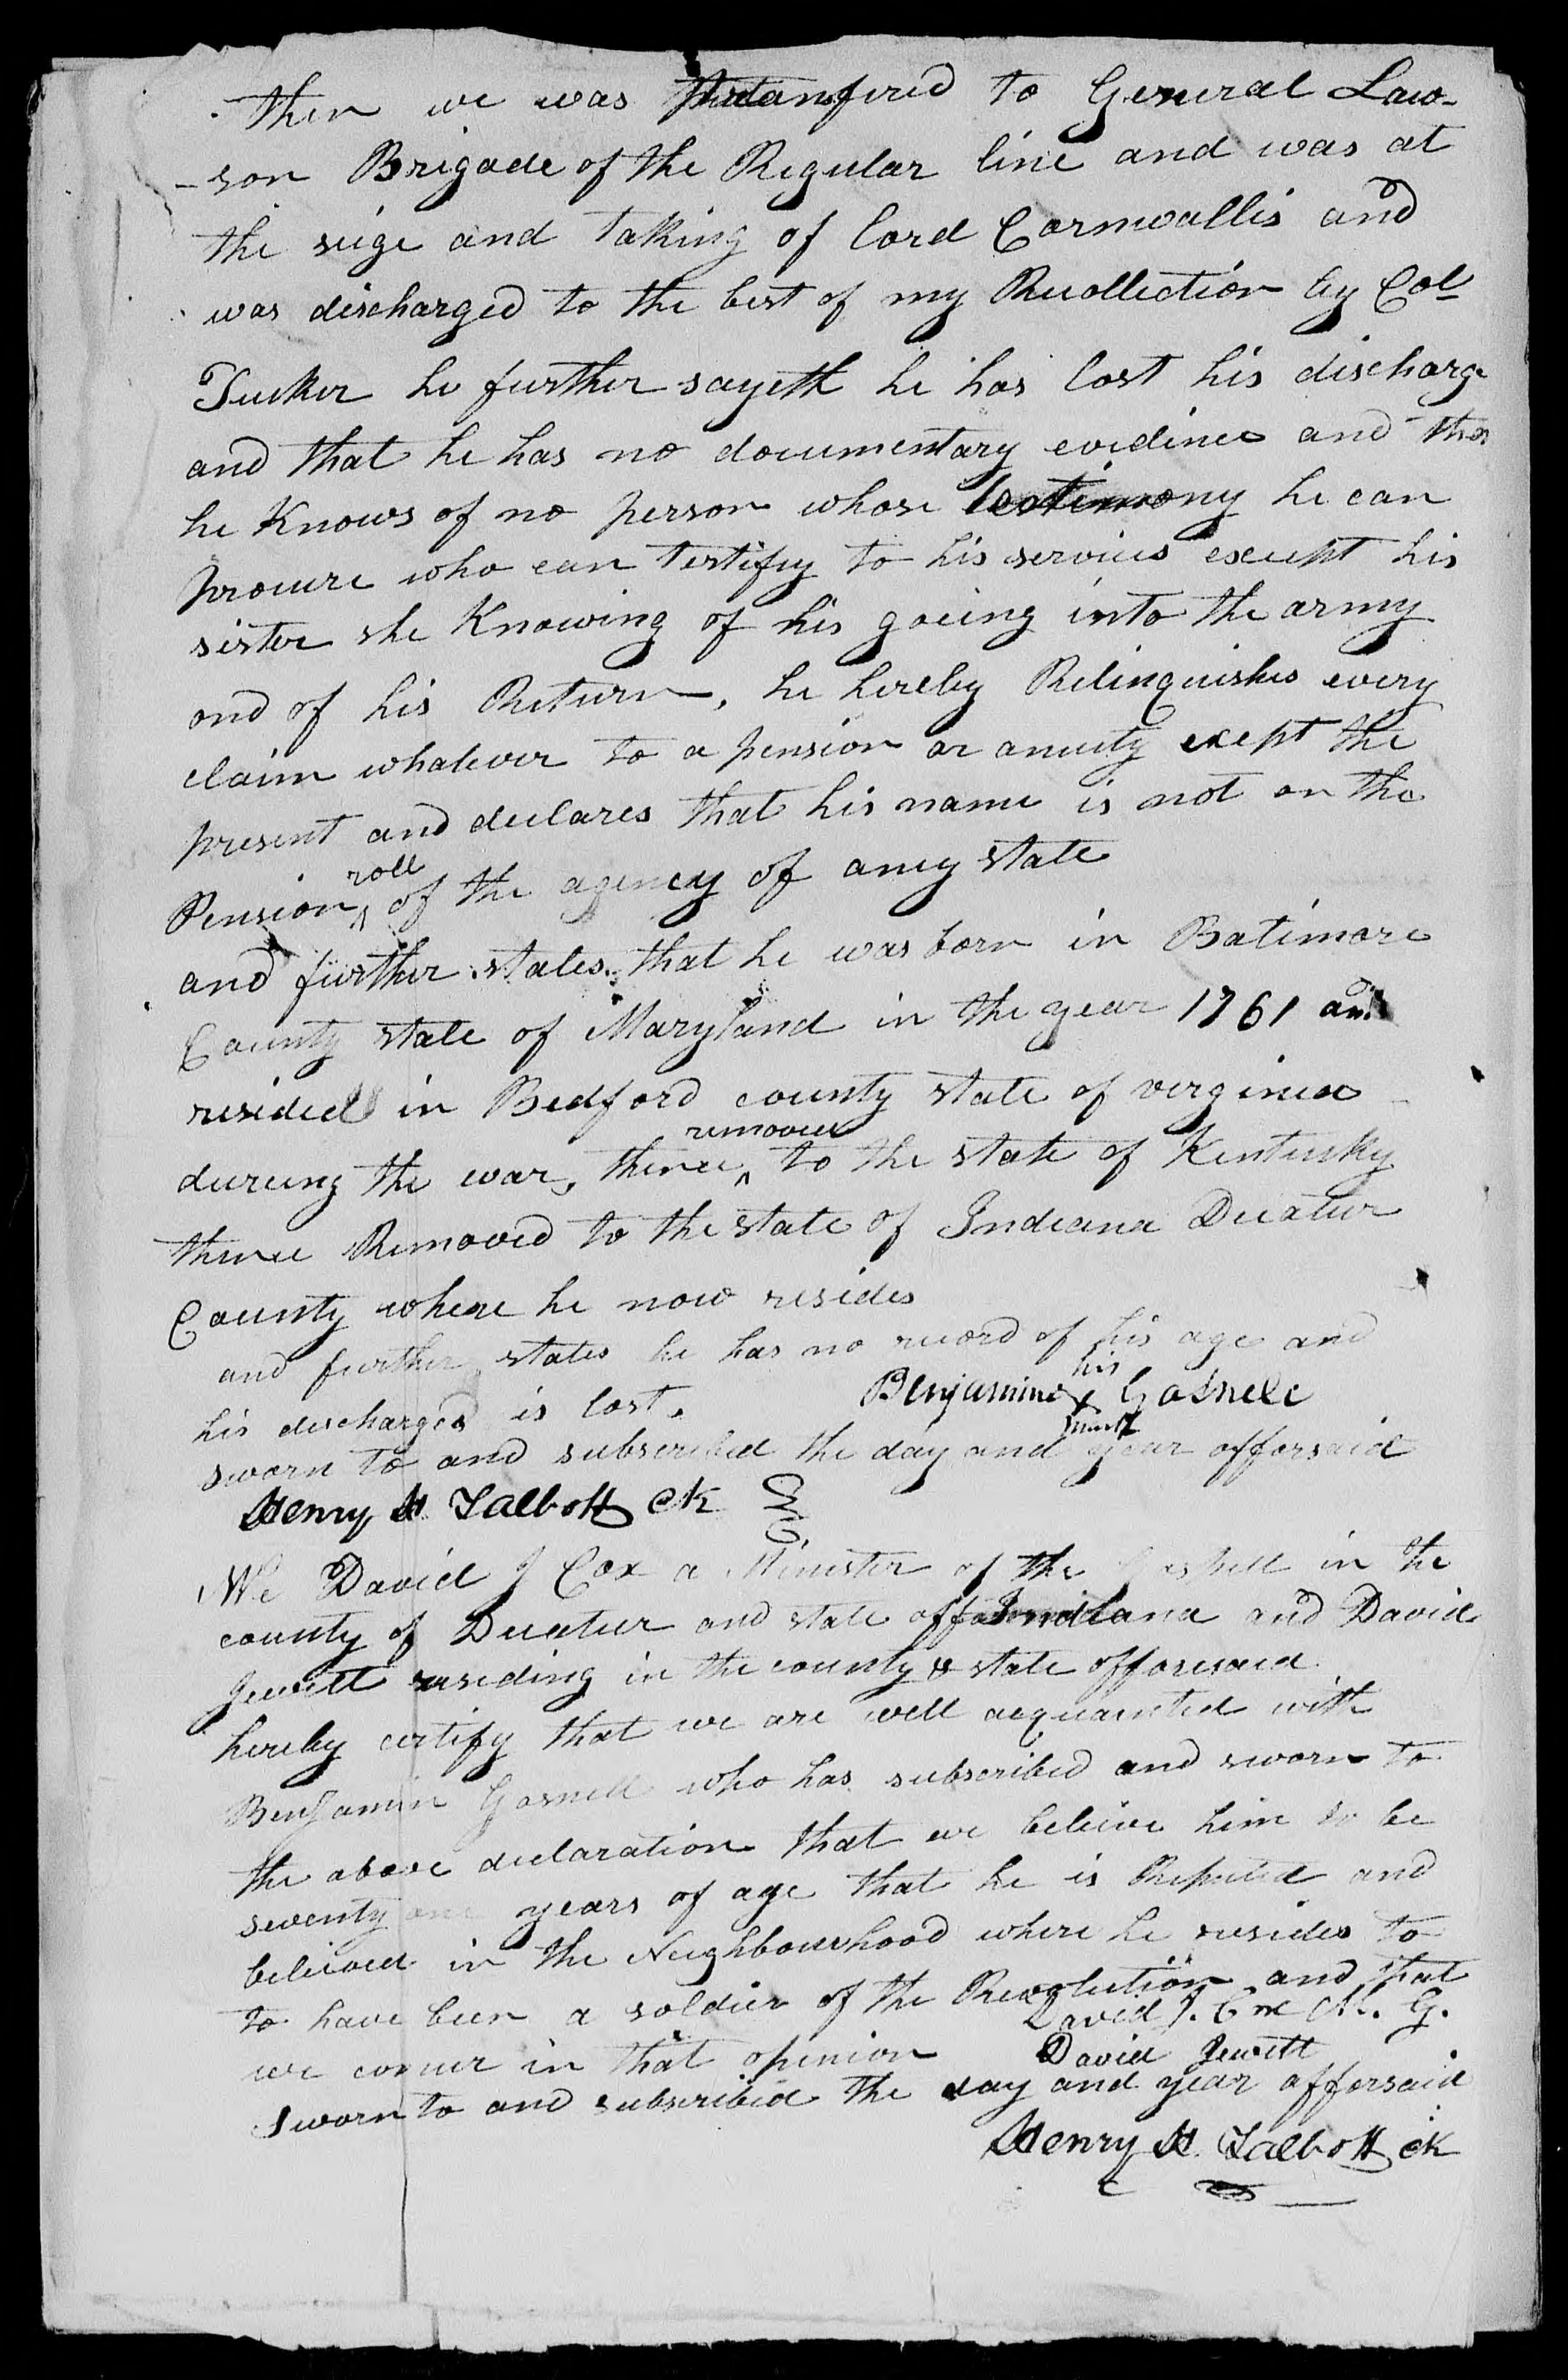then we was transfered to General Lawson Brigade of the Regular line and was at the siege and taking of lord Cornwallis and was discharged to the best of my Recollection by Col. Tucker he further sayeth he has lost his discharge and he has no documentary evidence and that he knows of no person whose testimony he can procure who can testify to his service except his sister she knowing of his going into the army and of his return, he hereby Relinquishes every claim whatever to a pension or anuity except the present and declares that his name is not on the Pension roll of the agency of any state

and further states that he was born state of Maryland in the year 1761 and resided in Bedford county state of virginia during the war, thence removed to the state of Kentucky thence Removed to the state of Indiana Decatur County where he now resides

and further states he has no record of his age and his discharge is lost.  Benjamin Gosnell X his mark 
sworn to and subscribed the day and year afforsaid
Henry F. Talbott ck [clerk] ∫
We David J. Cox a Minister of the gospell in the county of Decatur and state of Indiana and David Jewett residing in the county & state afforesaid 
hereby certify that we are well acquainted with Benjamin Gosnell wha has subscribed and sworn to the above declaration that we believe him to be seventy one years of age that he is Respected and believed in the Neighborhood where he resides to to [crossed out] have been a soldier of the Revolution and we concur in that opinion    David Jewett
Sworn to and subscribed the day and year afforsaid
Henry F. Talbott ck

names: David J Cox, David Jewett, David Jewett, David J Cox, Henry H Talbott, Benjamin Gosnell, Tucker, Benjamin Gosnell, Henry H Talbott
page: 7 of 39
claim: widow's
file: W. 11060, Benjamin Gosnell, Va.